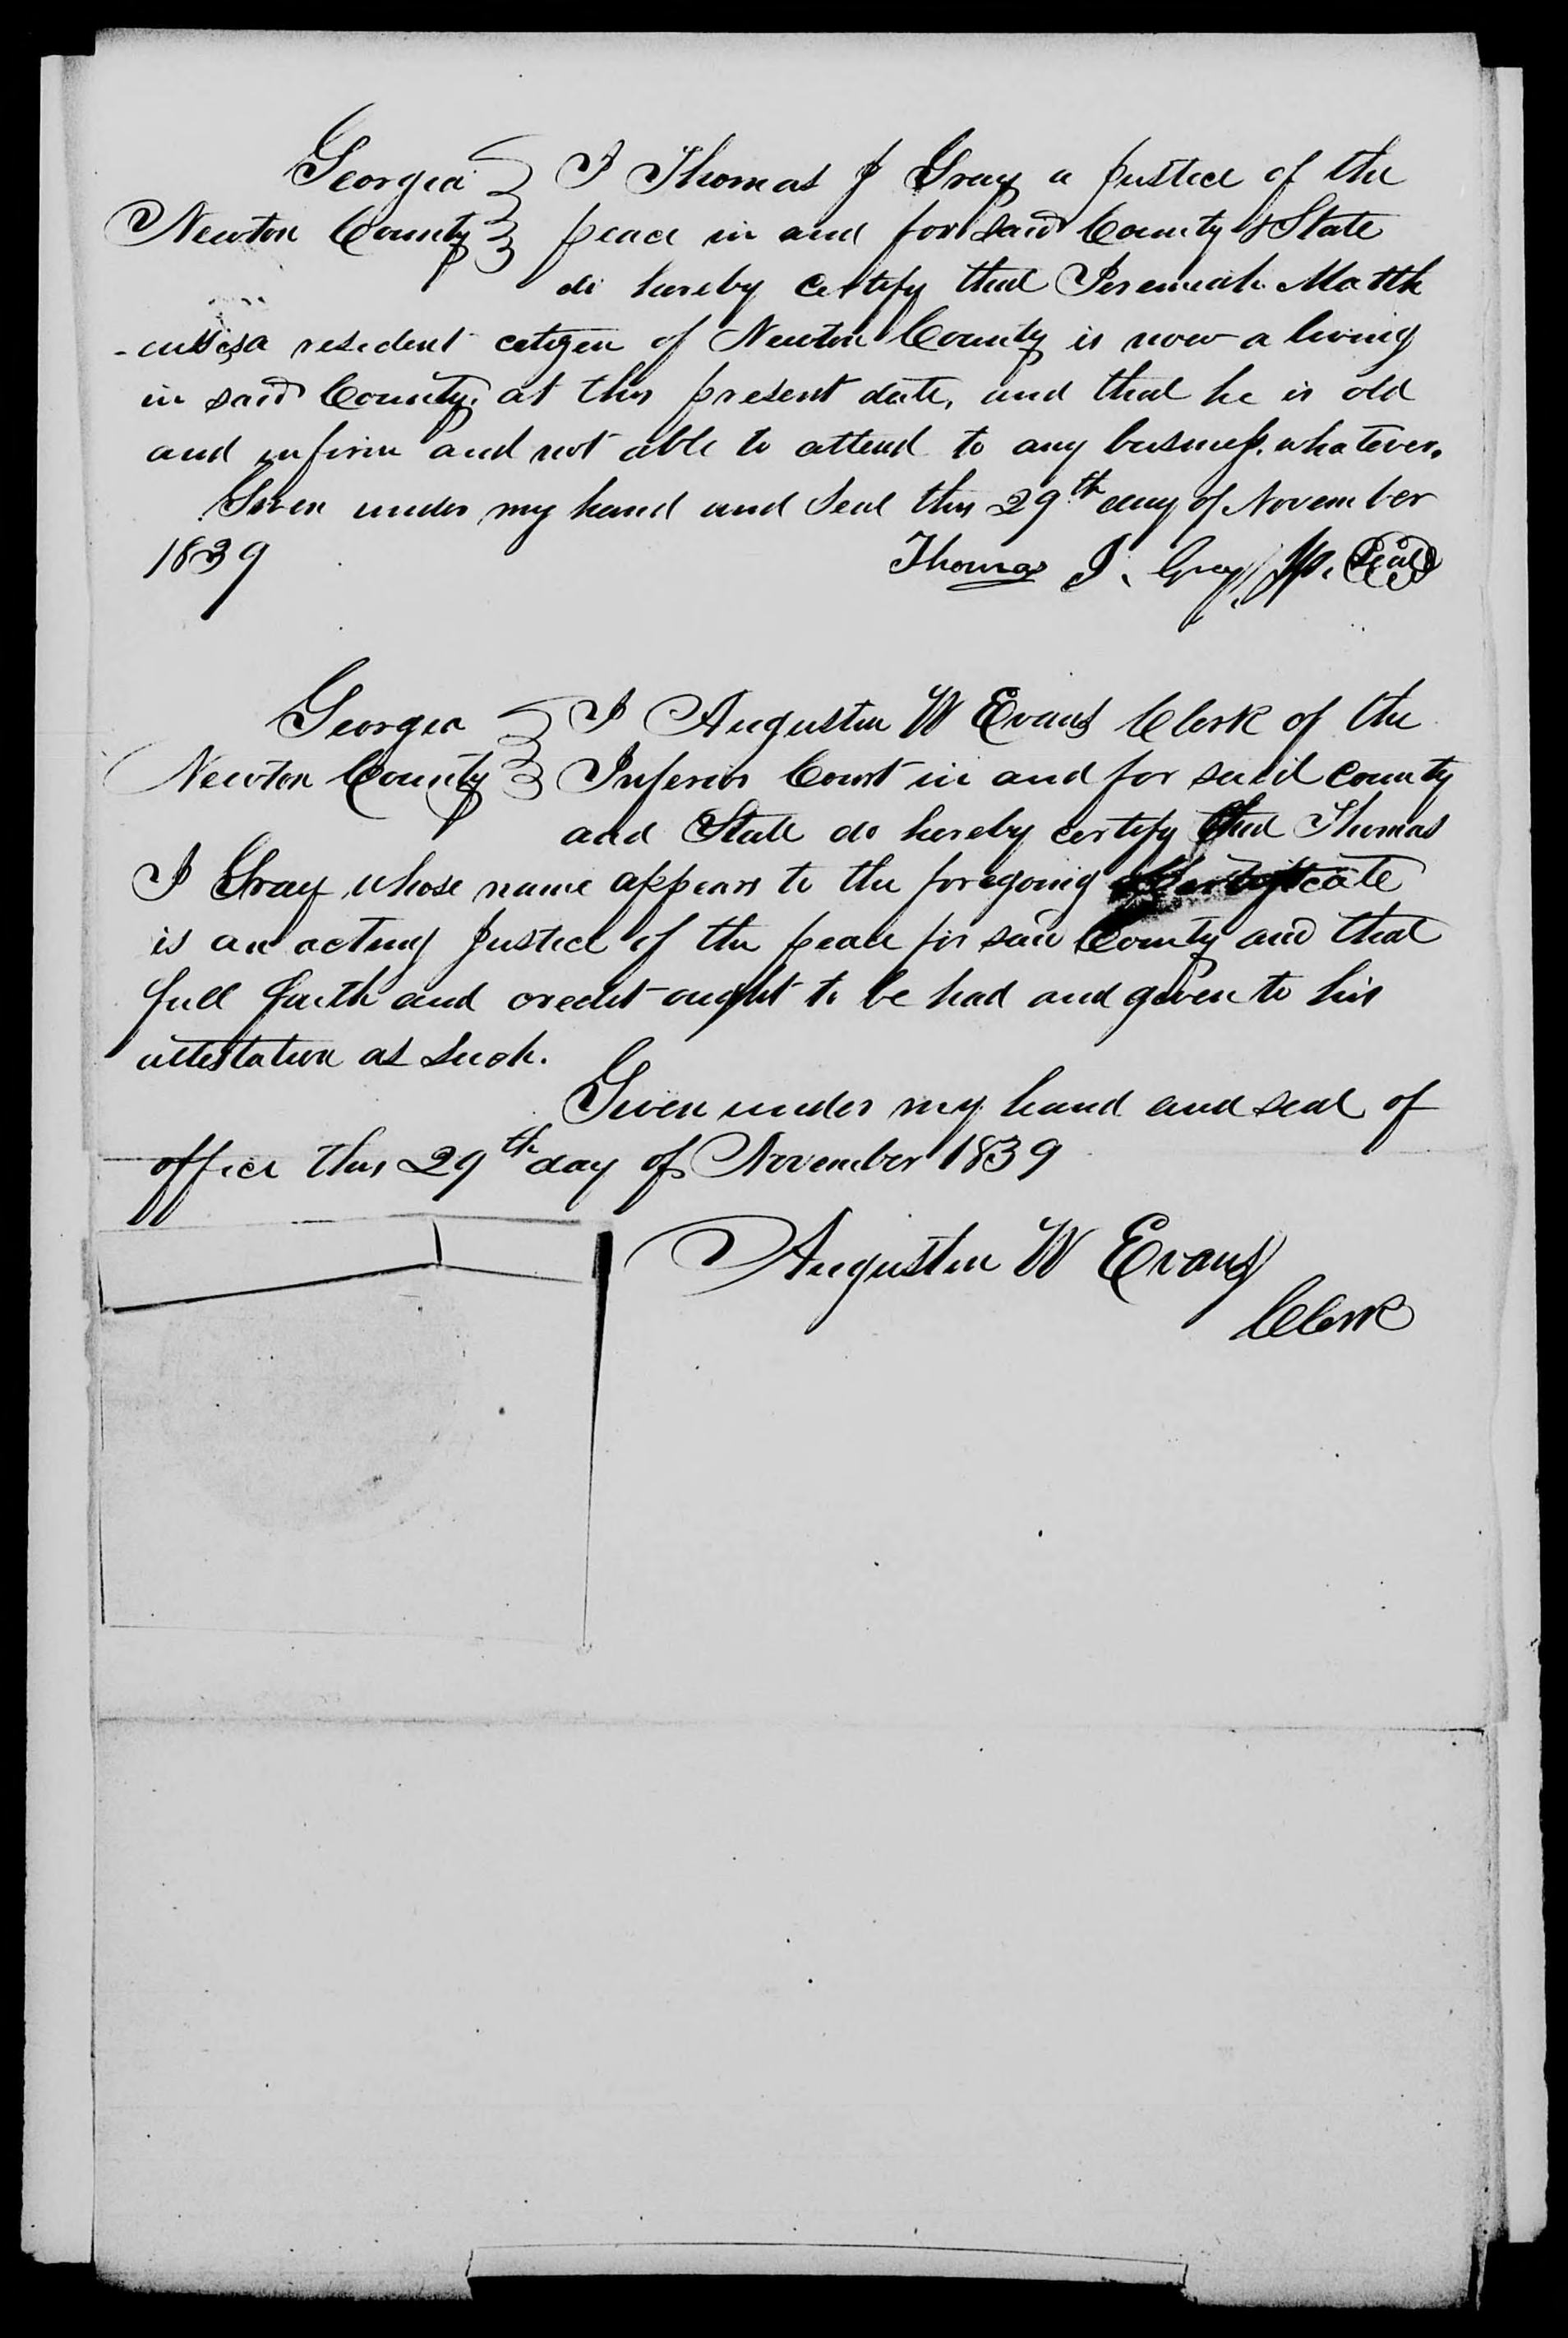Georgia
Newton County

I Thomas J Gray, a justice of the peace in and for said County & State do hereby certify that Jeremiah Matthews, a resident citizen of Newton County, is now living in said County, at this present date, and that he is old and infirm and not able to attend to any business, whatever.

Given under my hand and seal this 29th day of November 1839.

Thomas J. Gray JP. [Seal]

Georgia
Newton County

I Augustin W Evans, Clerk of the Superior Court in and for said county and state do hereby certify that Thomas J Gray, whose name appears to the foregoing certificate is an acting justice of the peace for said county, and that full faith and credit ought to be had and given to his attestation as such.

Given under my hand and seal of office this 29th day of November 1839.

Augustin W Evans
Clerk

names: Jeremiah Matthews, Thomas J Gray, Thomas J Gray, Augustin W Evans, Thomas J Gray, Augustin W Evans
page: 12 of 14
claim: rejected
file: R. 2,877, Josiah Dennis, Md.